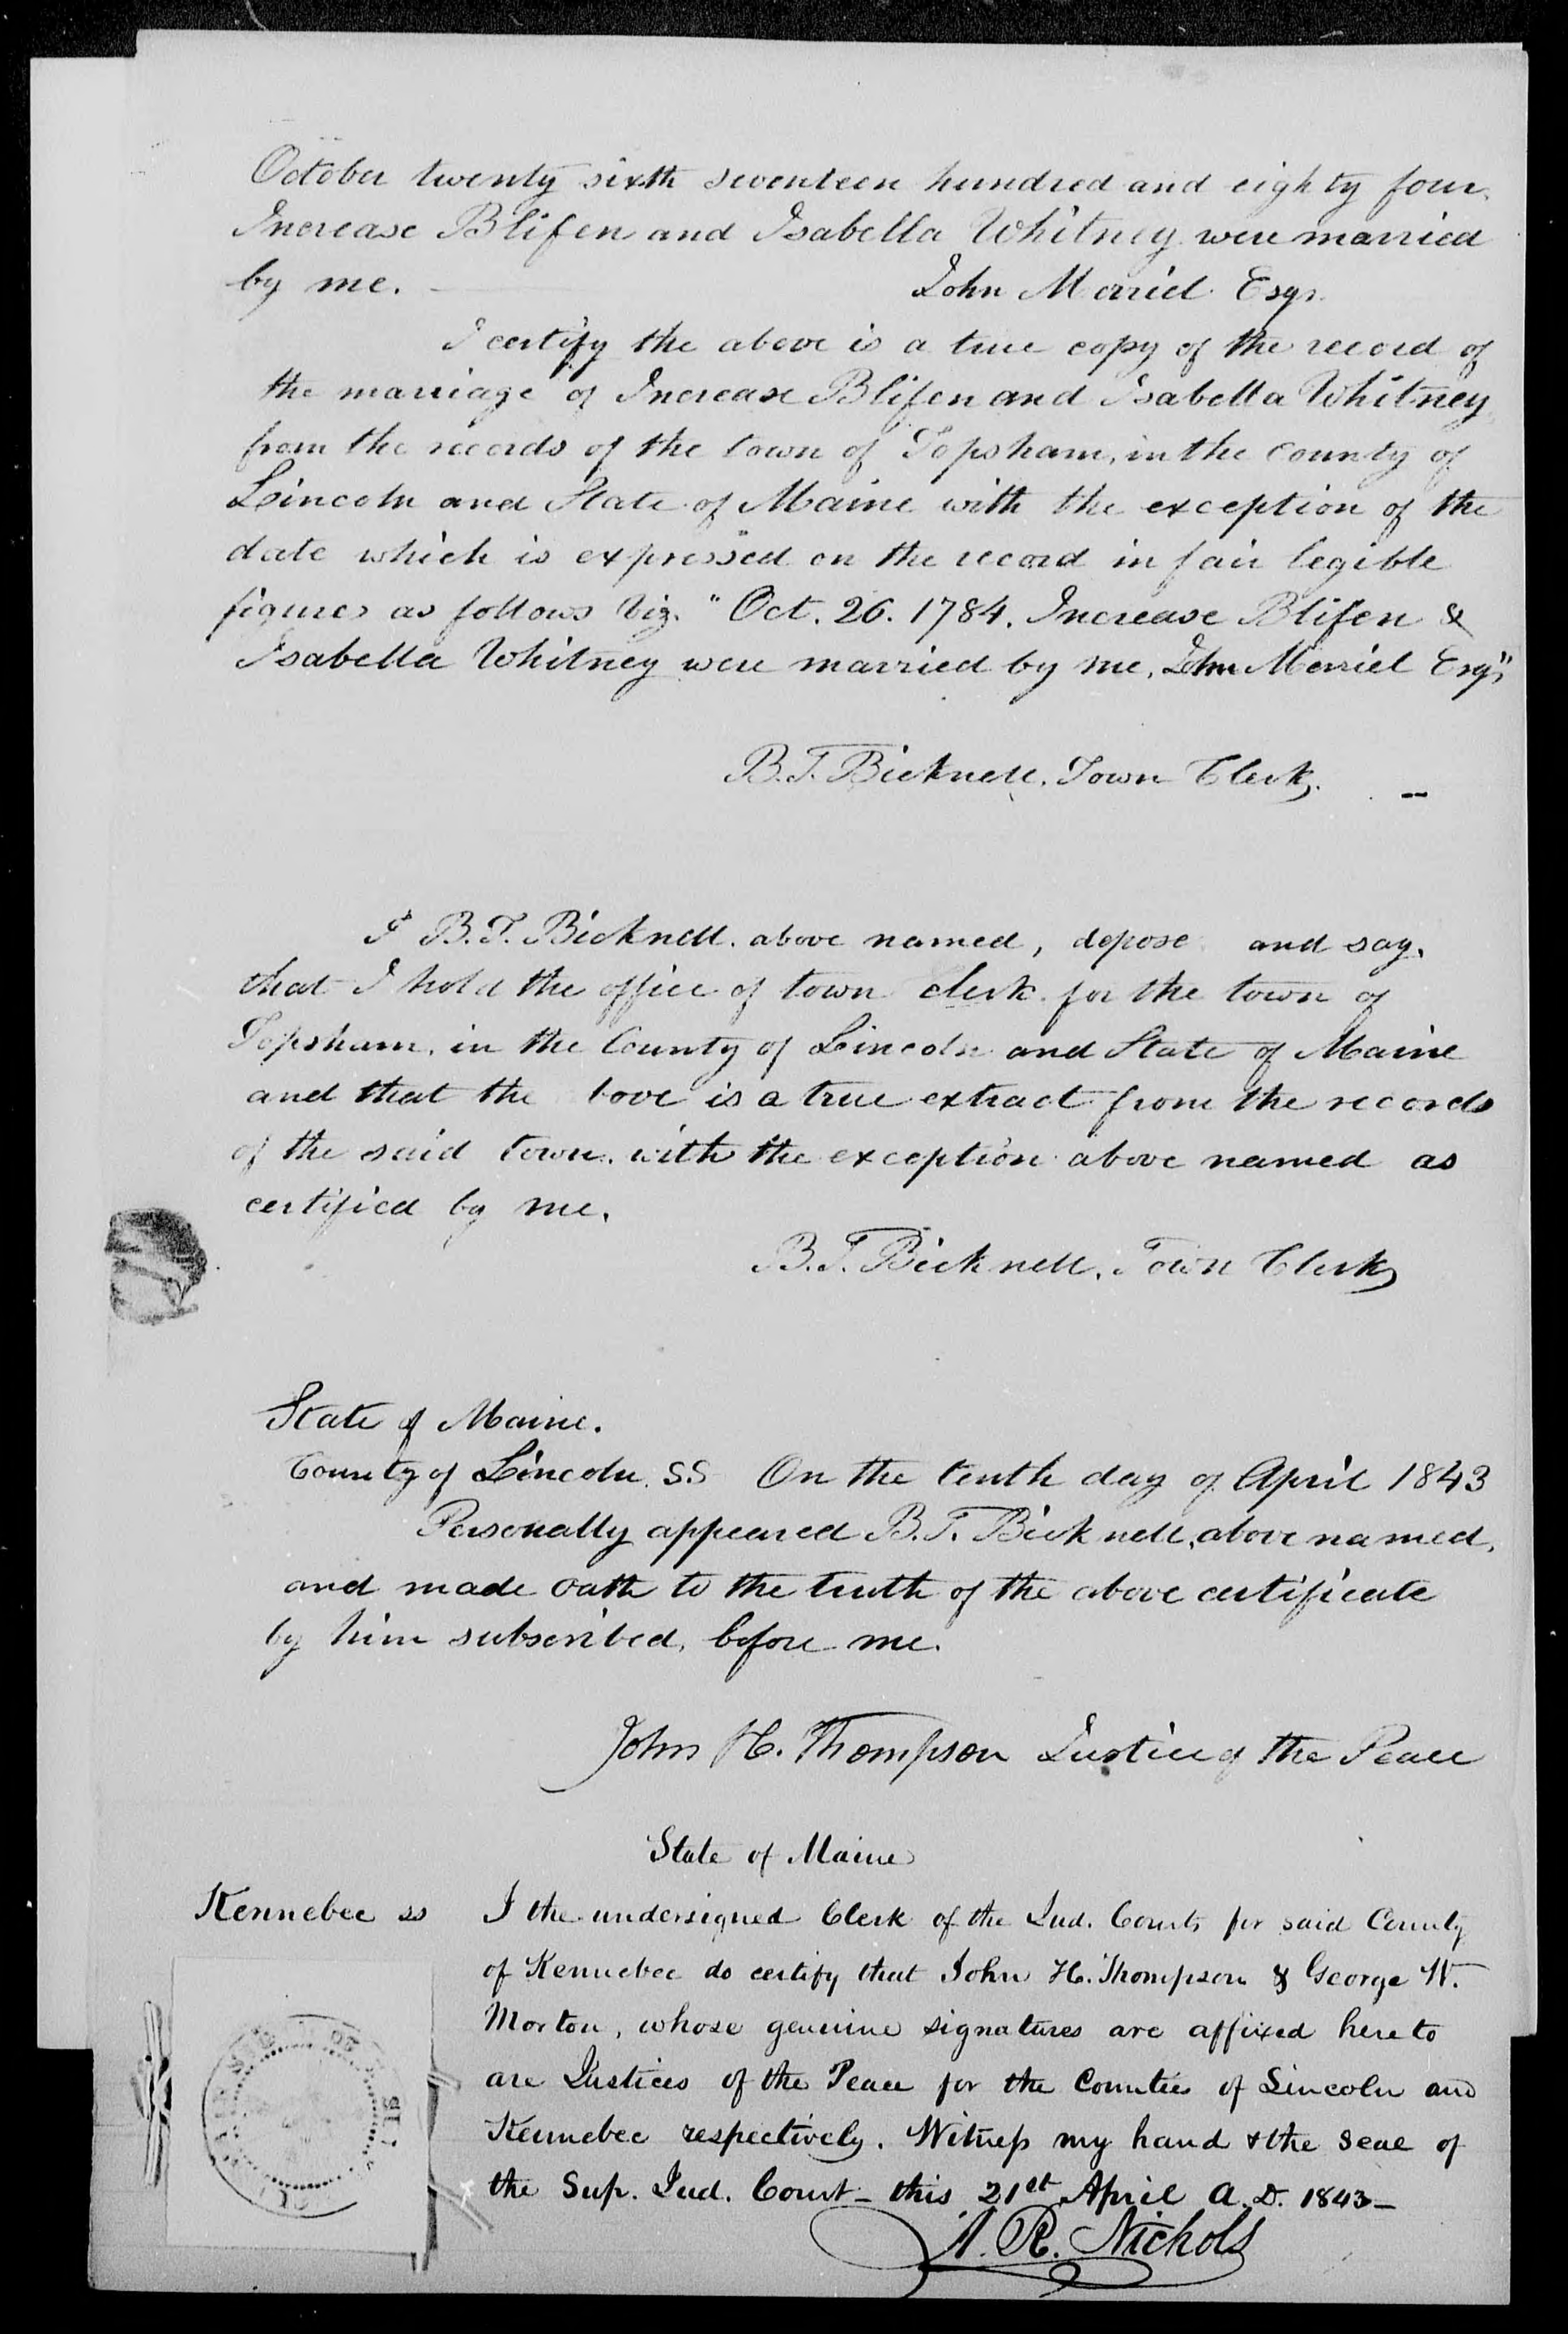October twenty sixth seventeen hundred and eighty four
Increase Blifen and Isabella Whitney were married
by me   John Merriel Esq.
I certify the above is a true copy of the record of
the marriage of Increase Blifen and Isabella Whitney
from the records of the town of Topsham in the county of
Lincoln and State of Maine with the exception of the
date which is expressed on the record in fair legible
figures as follow viz. "Oct.26.1784. Increase Blifen &
Isabella Whitney were married by me. John Merriel Esq."
G.T. Bicknell Town Clerk.

I B.T. Bicknell above named, depose and say,
that I hold the office of town clerk for the townof
Topsham in the county of Lincoln and State of Maine
and that the above is a true extract from the records
of the said town with the exception above named as
certified by me.
B.T. Bicknell, Town Clerk

State of Maine.
County of Lincoln ss   On the tenth day of April 1843
Personally appeared B.T. Bicknell above name,
and made oath to the truth of the above certificate 
by him subscribed before me.
John H. Thompson Justice of the Peace

State of Maine
Kennebec ss   I the undersigned Clerk of the Jus. Courts for said County
of Kennebec do certify that John H. Thompson & George W.
Morton, whose genuine signature are affixed hereto
are Justices of the Peace for the counties of Lincoln and
Kennebec respectively. Witness my hand & seal of
the Sup. Jud. Court this 21st April A. D. 1843
A. R. Nichols

[Bottom left side of page illegible seal]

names: B T Bicknell, Increase Blifen, John H Thompson, A R Nichols, Isabella Whitney, John H Thompson, B T Bicknell, Increase Blifen, B T Bicknell, John Merriel, George W Morton, Isabella Whitney, John Merriel, Increase Blifen, Isabella Whitney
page: 11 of 39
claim: widow's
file: W. 23,621, Increase Blethen, Mass.